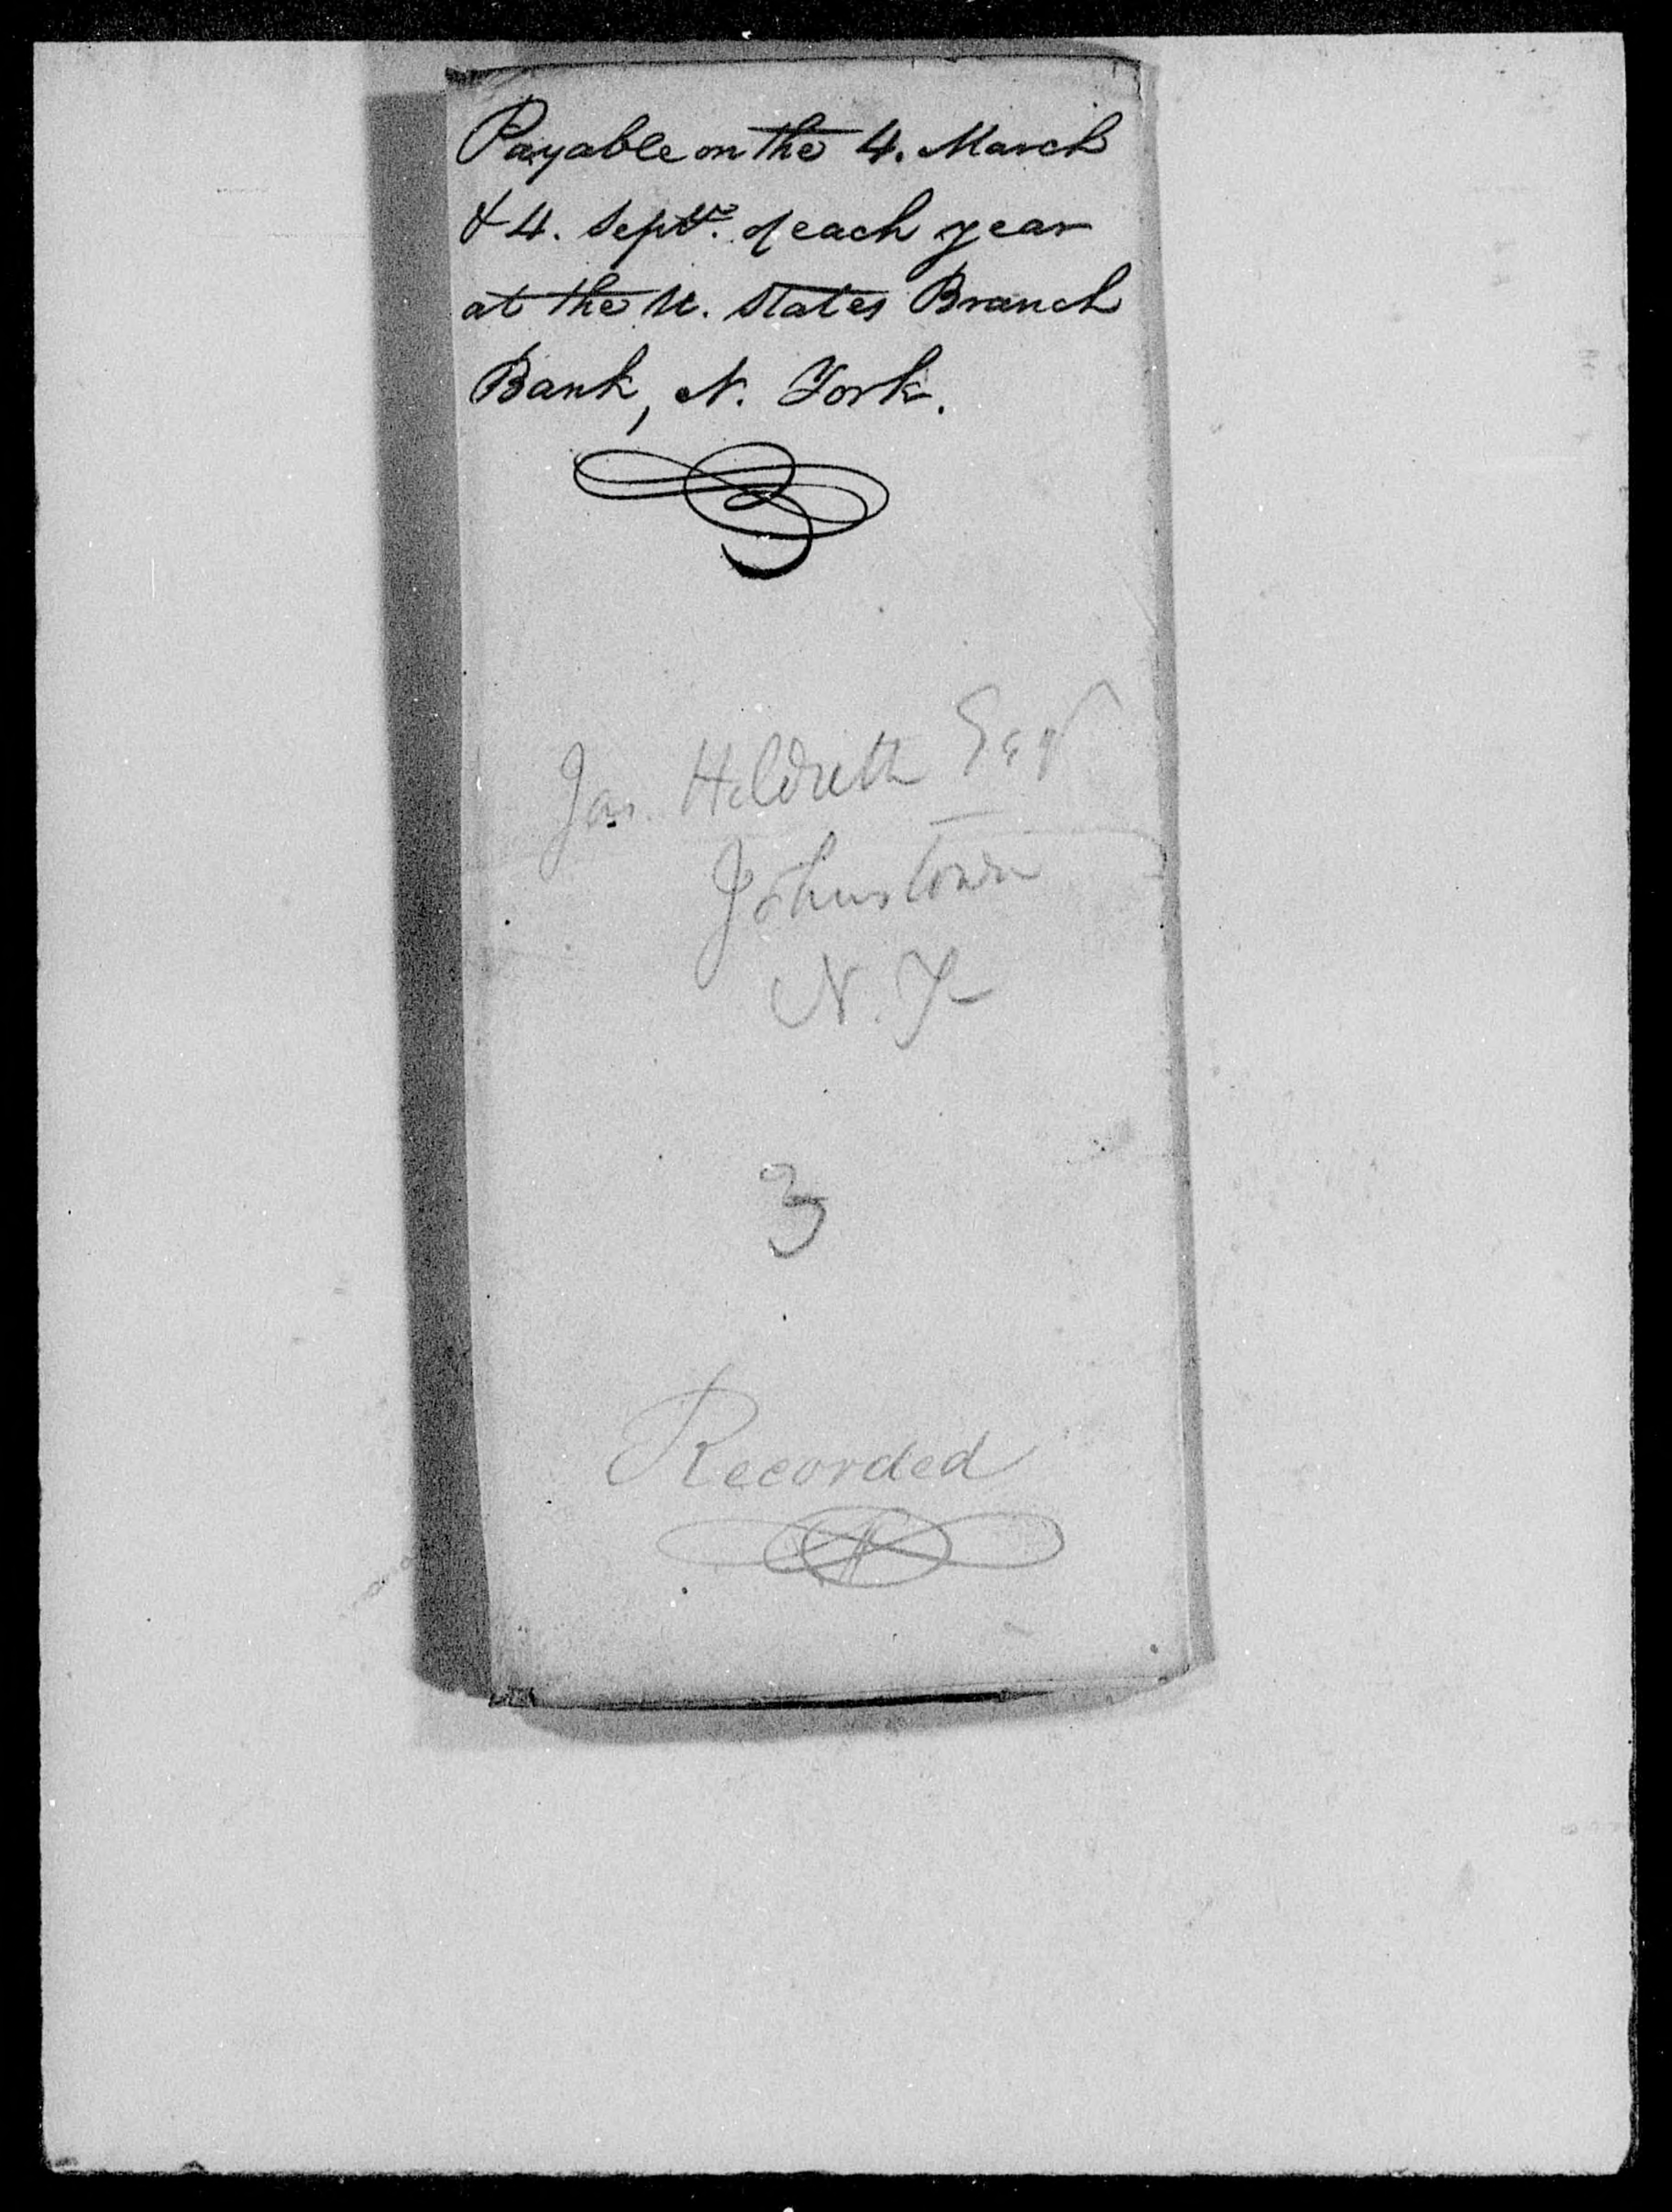[handwritten]
Payable on the 4. March & 4. Sept. of each year at the U. States Branch Bank, N. York

Jas Hildreth Esq
Johnstown
N.Y.

3

Recorded
[/handwritten]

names: Jas Hildreth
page: 47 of 55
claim: widow's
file: W. 19503, Samuel Giles, Conti. Mass. New York